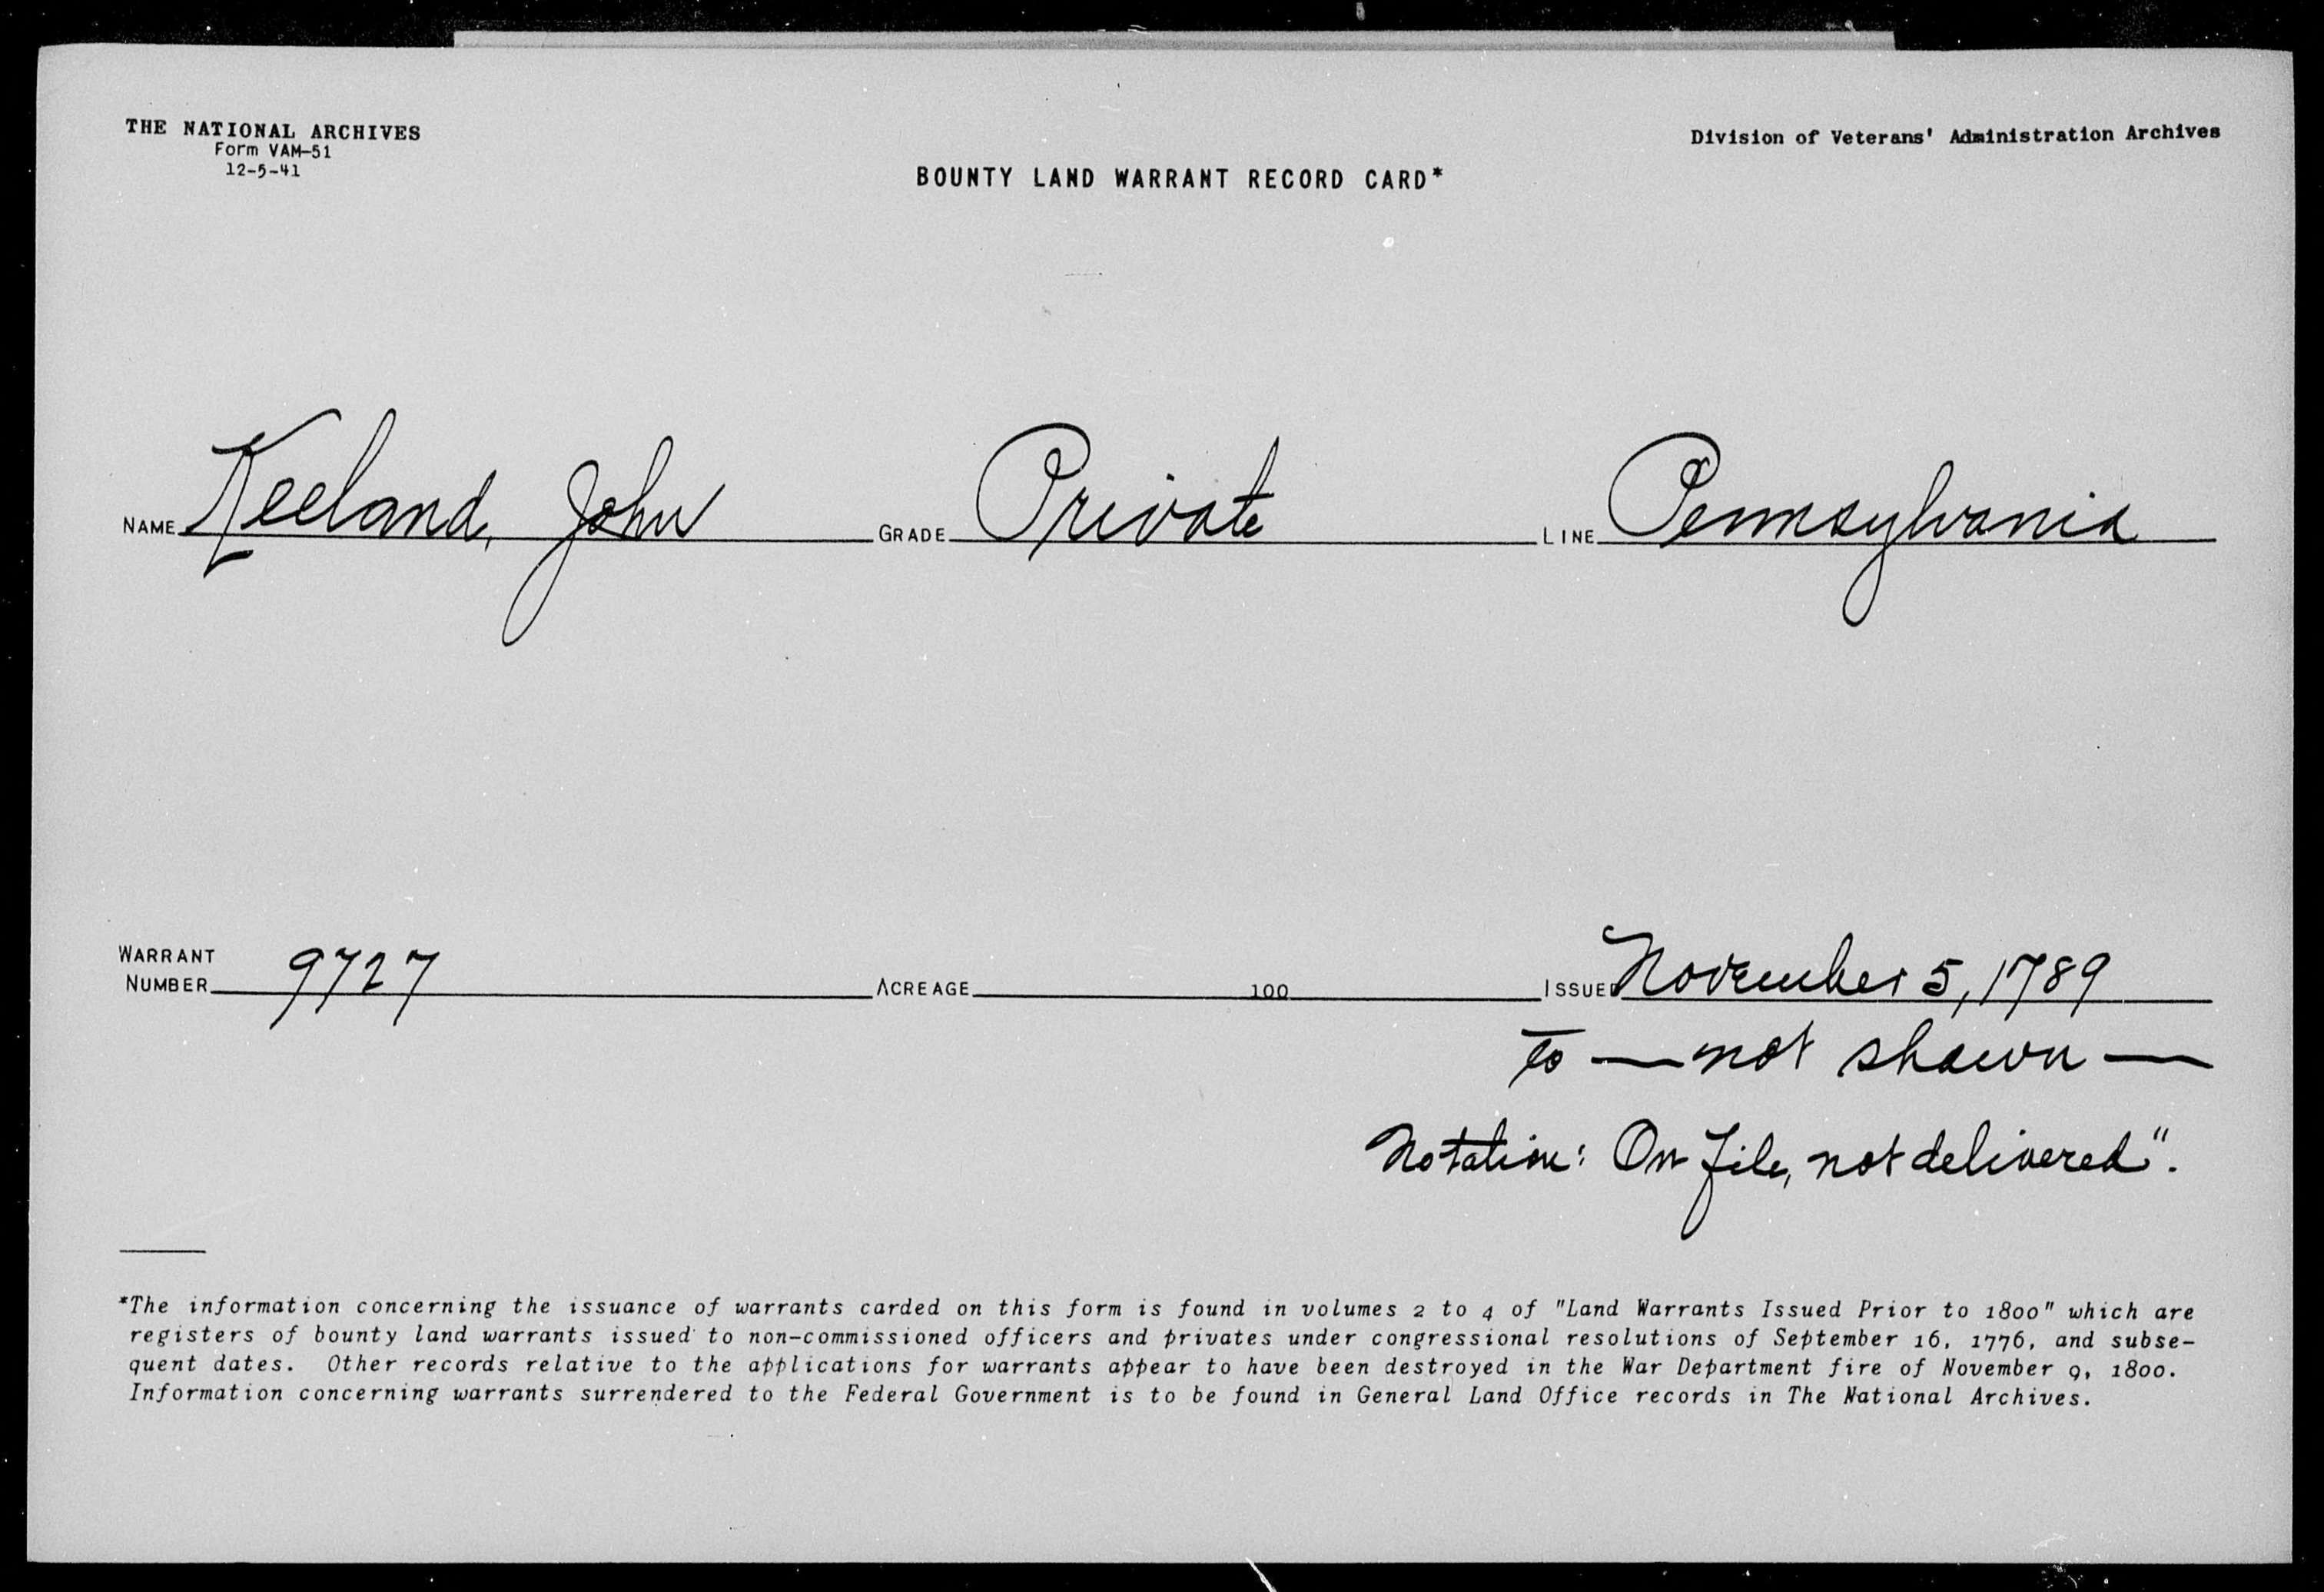THE NATIONAL ARCHIVES
Form VAN-51
12-5-41
BOUNTY LAND WARRANT RECORD
Division of Veteran's Administration Archives
 NAME Keeland, John
GRADE Private
LINE Pennsylvania
WARRENT NUMBER 9727
ACERAGE 100
ISSUE November 5, 1789
to-not shown-
Notation: On file, not delivered."
 *The information concerning the issuance of warrants carded on this form is found in volumes 2 to 4 of "Land Warrants Issued Prior to 1800" which are registers of bounty land warrants issued to non-commissioned officers and privates under congressional resolutions of September 16, 1776, and subsequent dates. Other records relative to the applications for warrants appear to have been destroyed in the War Department fire of November 9, 1800. Information concerning warrants surrendered to the General Government is to be found in General Land Office records in The National Archives.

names: John Keeland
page: 15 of 16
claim: survivor's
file: S. 38110, for James Keelan, Maryland